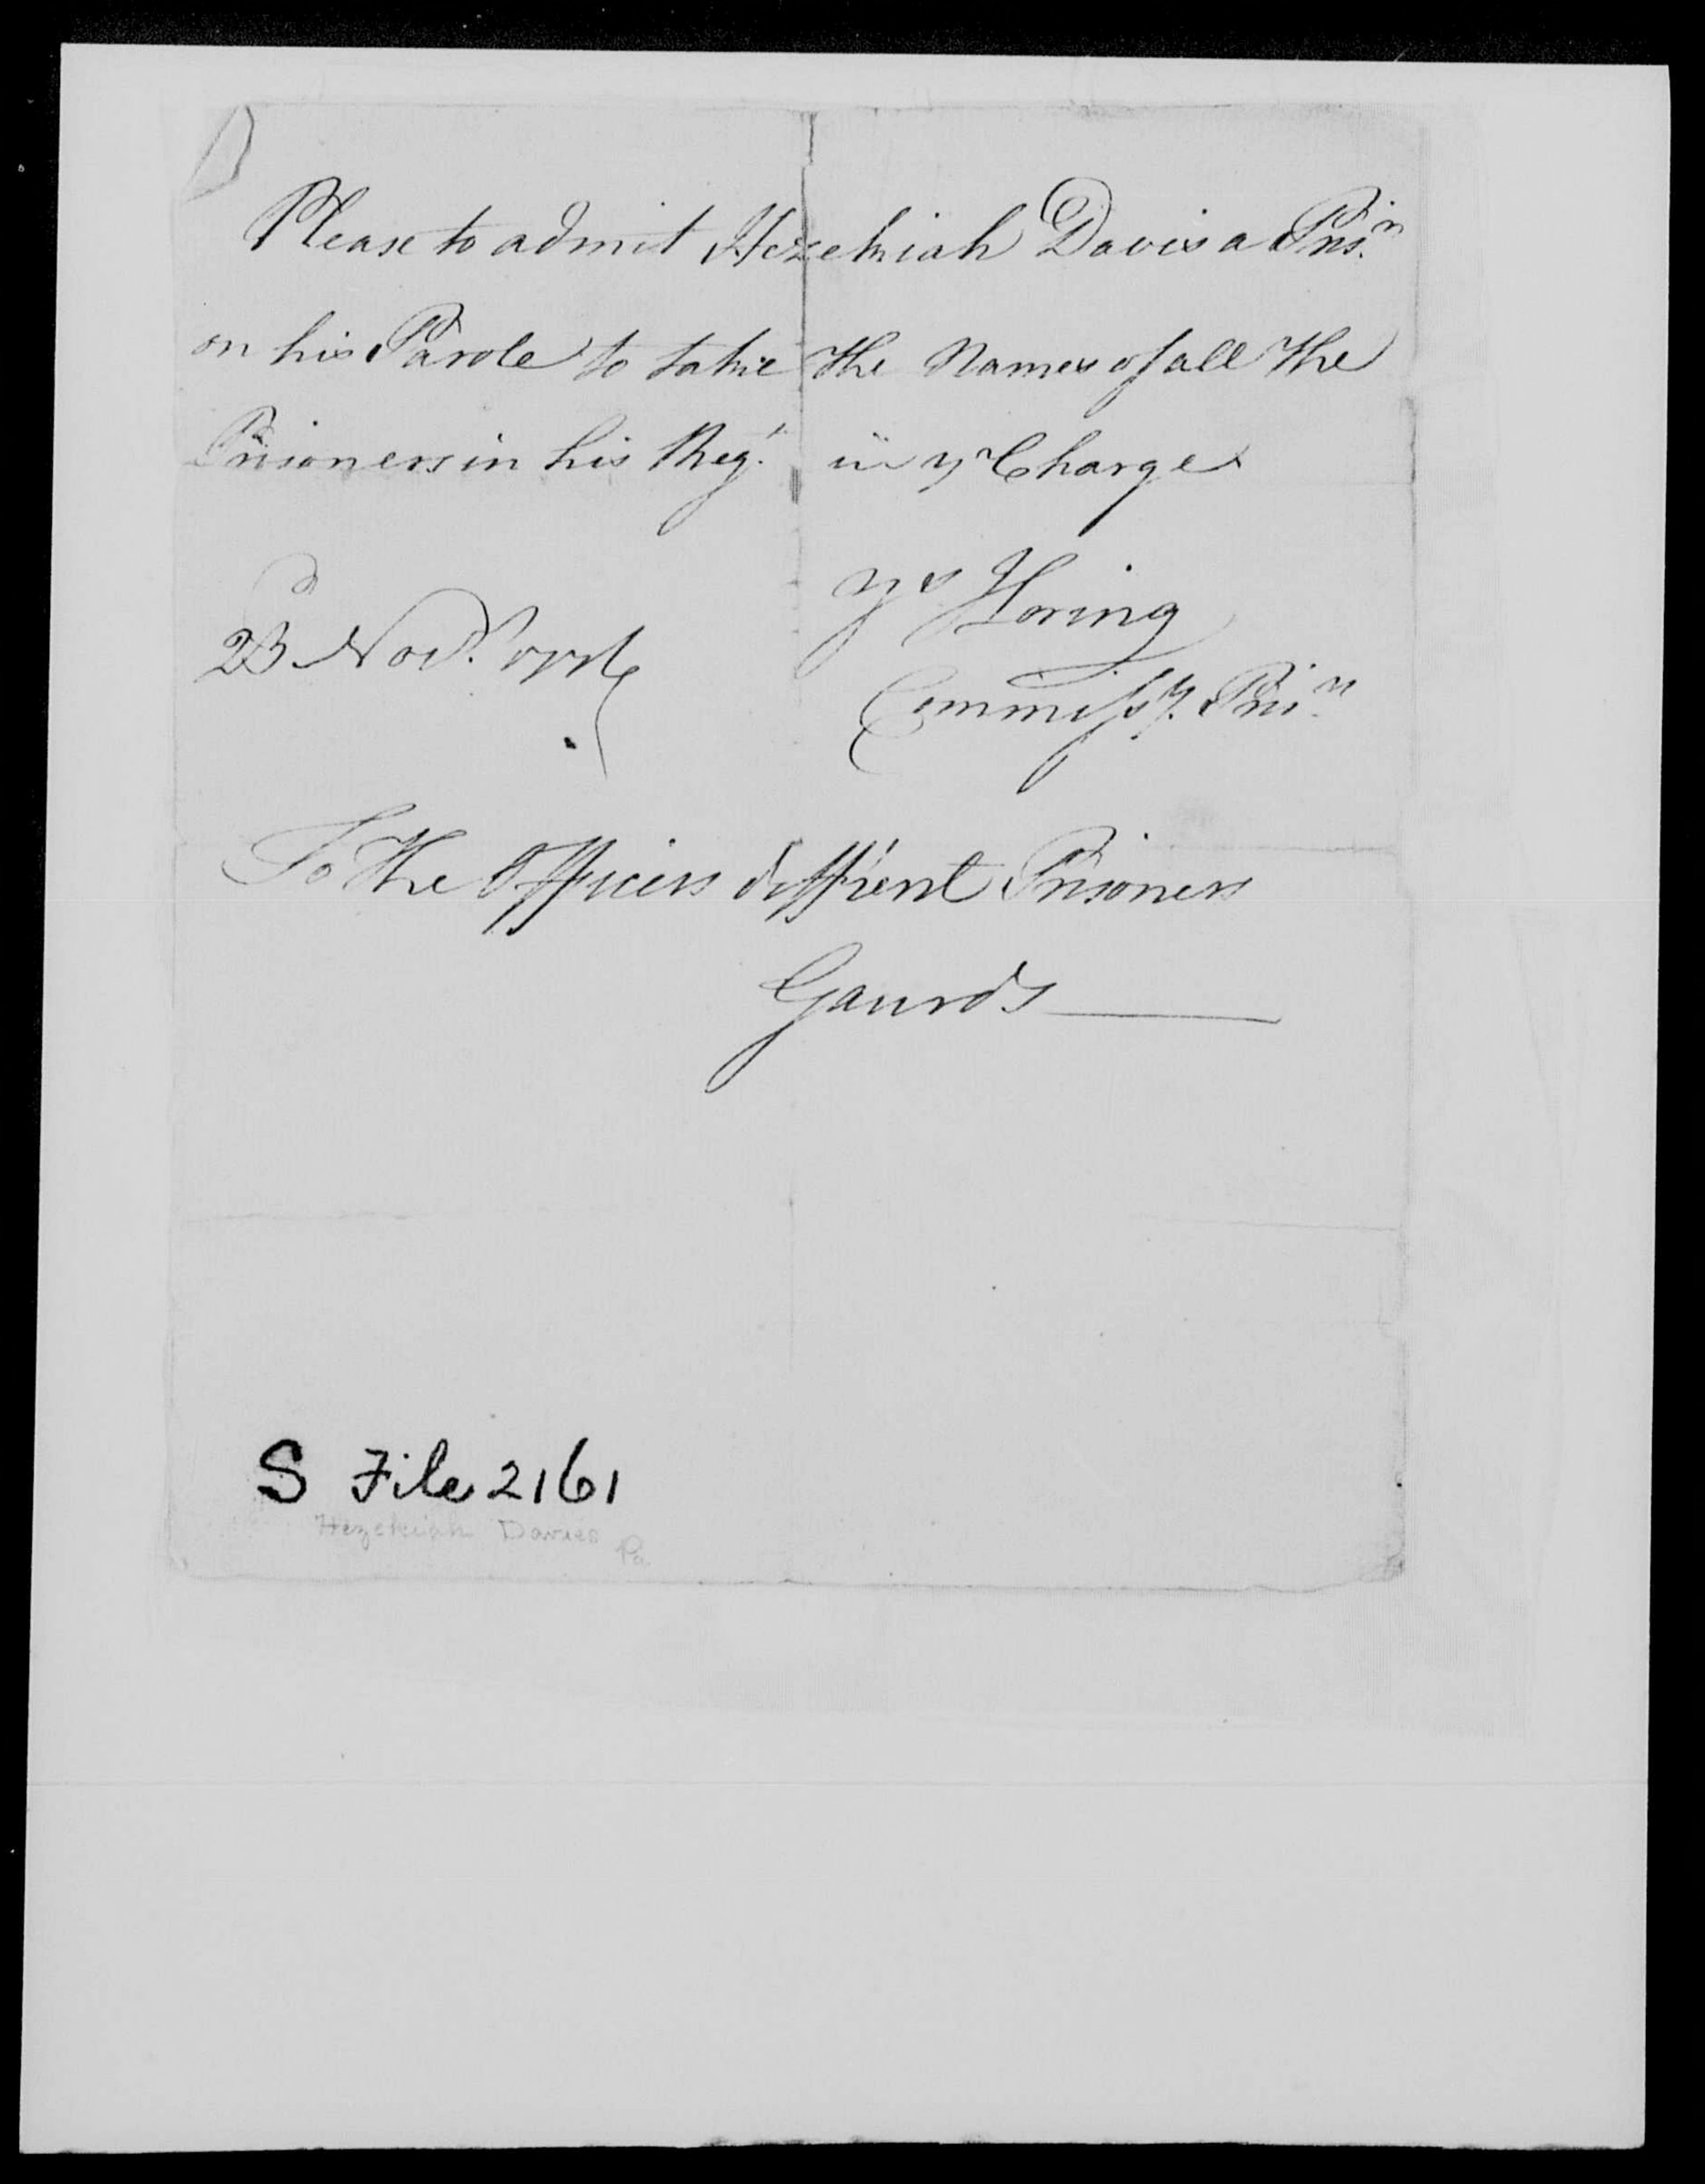Please to admit Hezekiah Davis a Pnsn [prisoner] on his Parole to take the names of all the Prisoners in his Reg in yr [your] Charge.
yrs [yours] Horing
Commiss Prisn [Commissioner Prisons]

23 Nov 1776

To the officer of diffrent [different] Prisoners
Gaurds [Guards]

S File 2161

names: Hezekiah Davis, Hezekiah Davies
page: 39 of 57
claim: survivor's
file: S. 2161, Hezekiah Davies, Penn